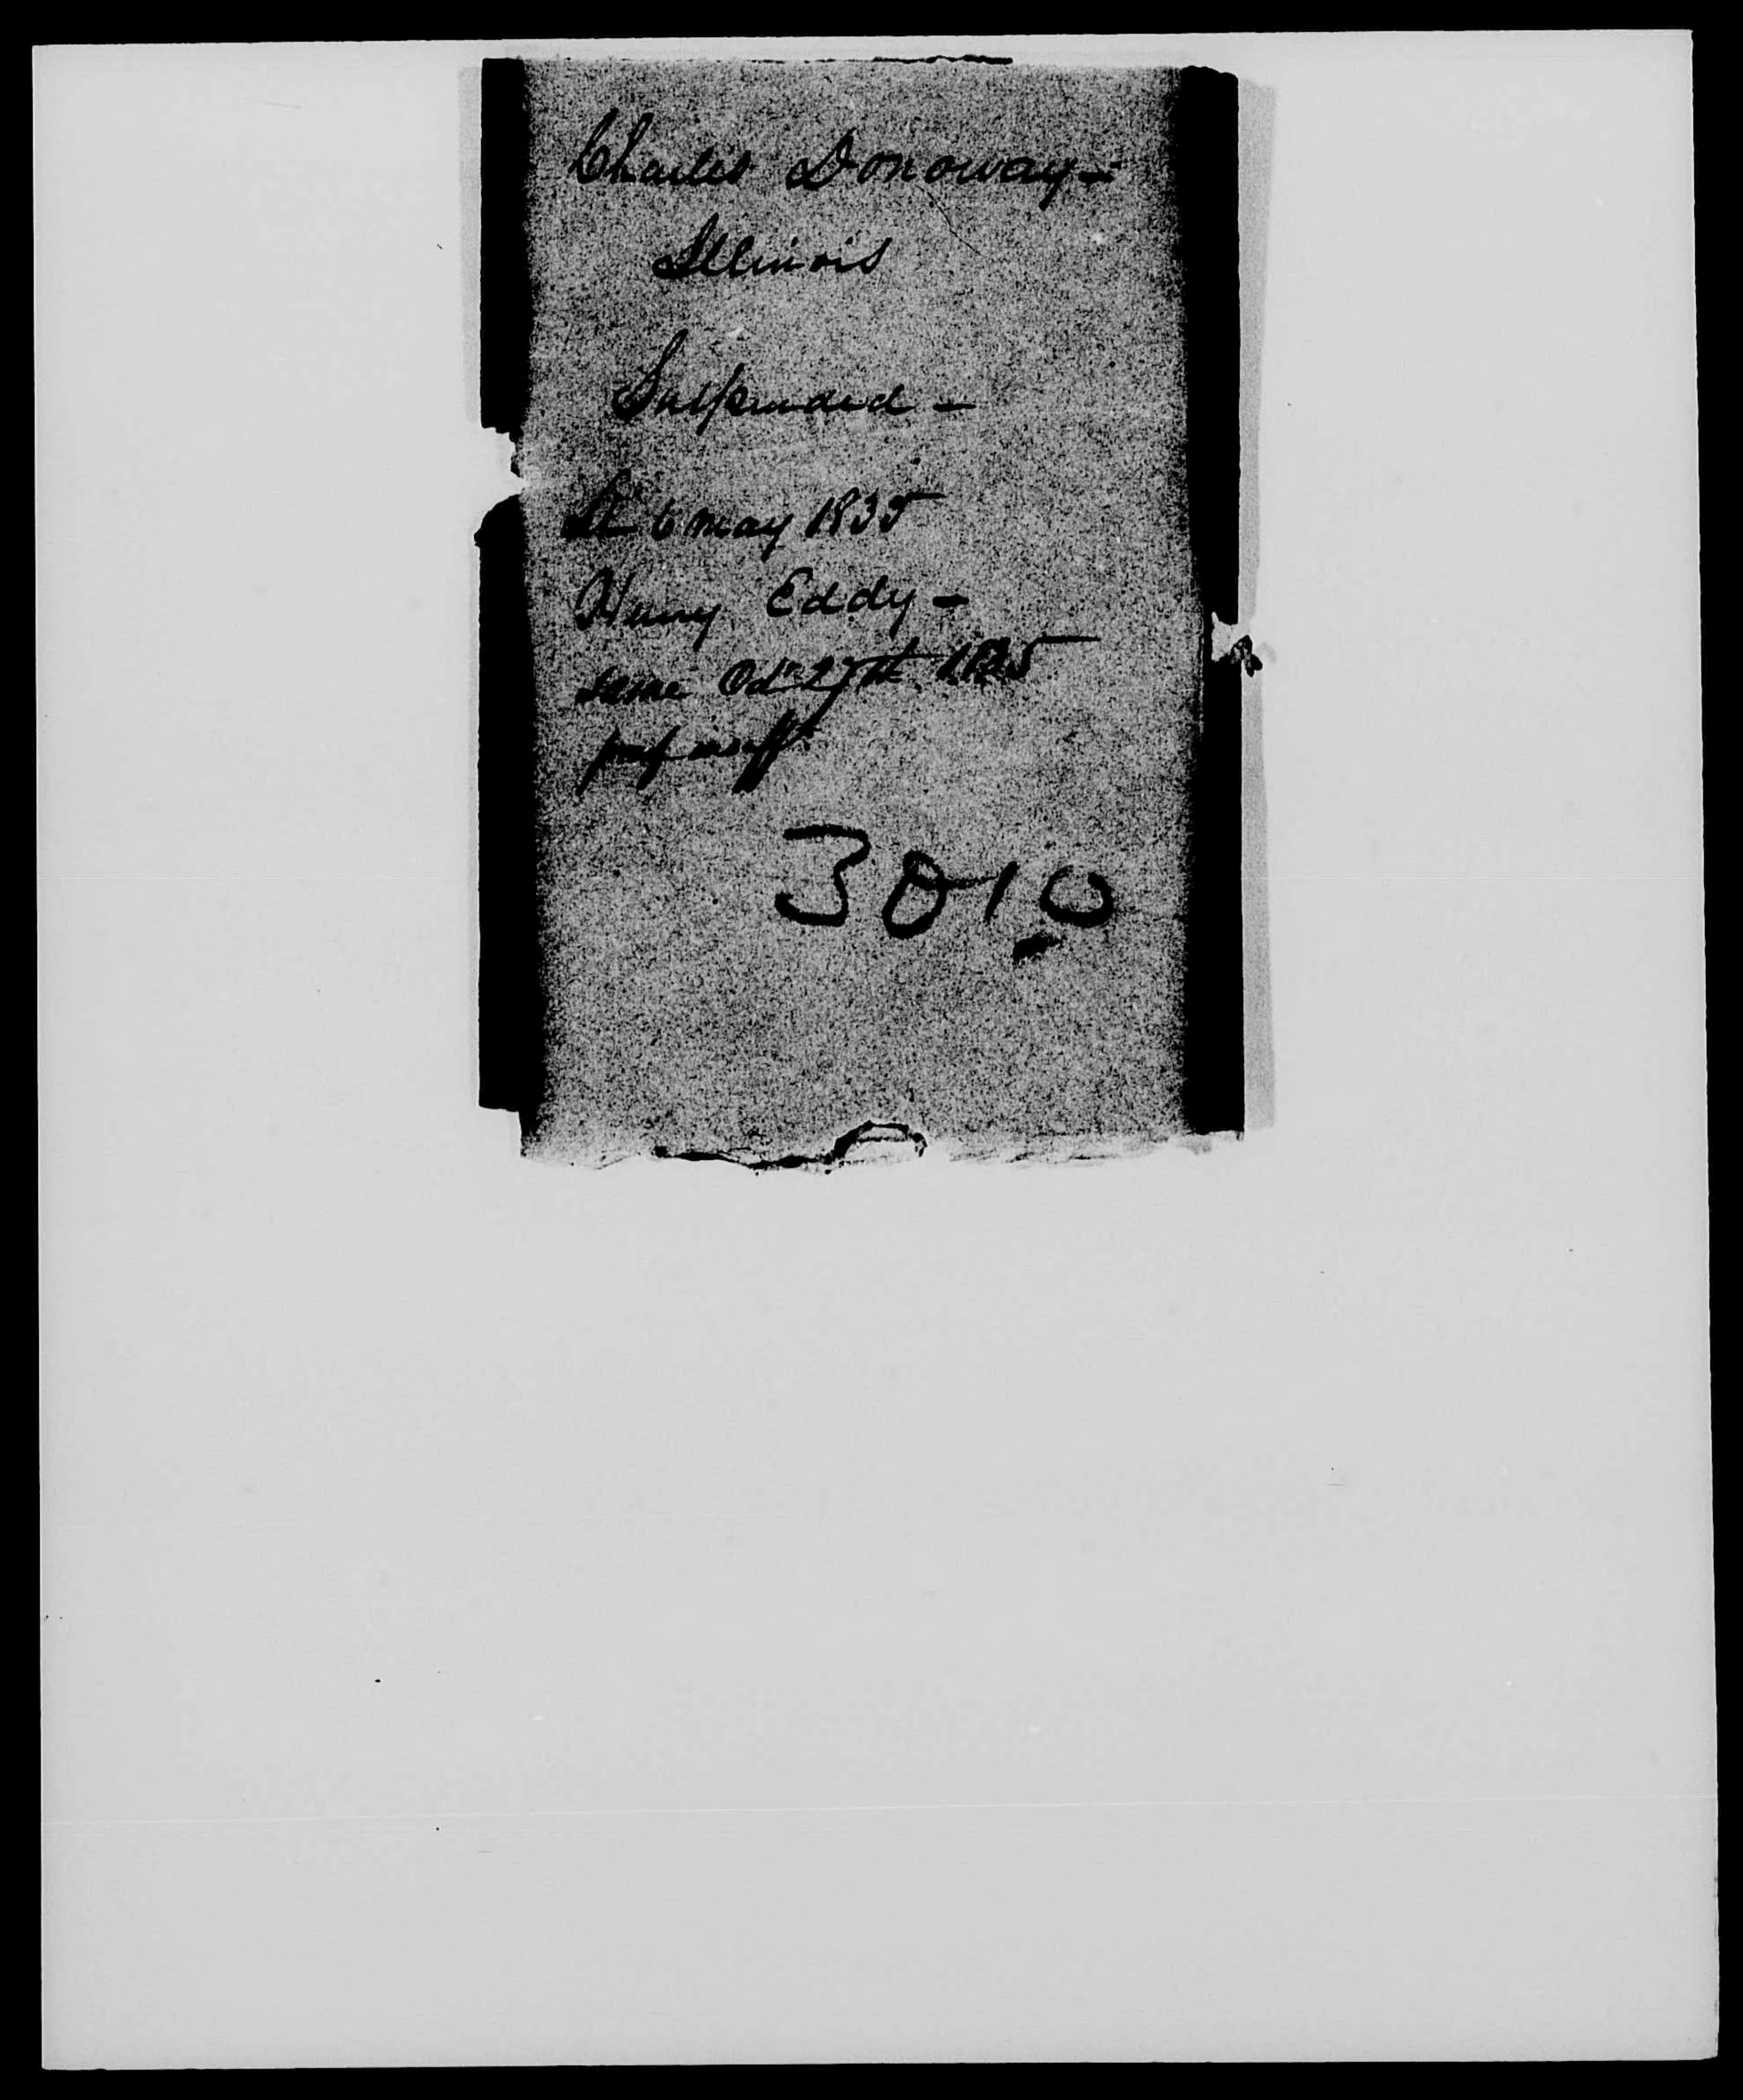Charles Donoway-
Illinois
Suspended-
Lt to May 1835
Harry Eddy-
same Oct. 27th 1835
proof insuff
3010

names: Charles Donoway, Henry Eddy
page: 13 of 29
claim: rejected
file: R. 3010, Charles Donaway, Va.